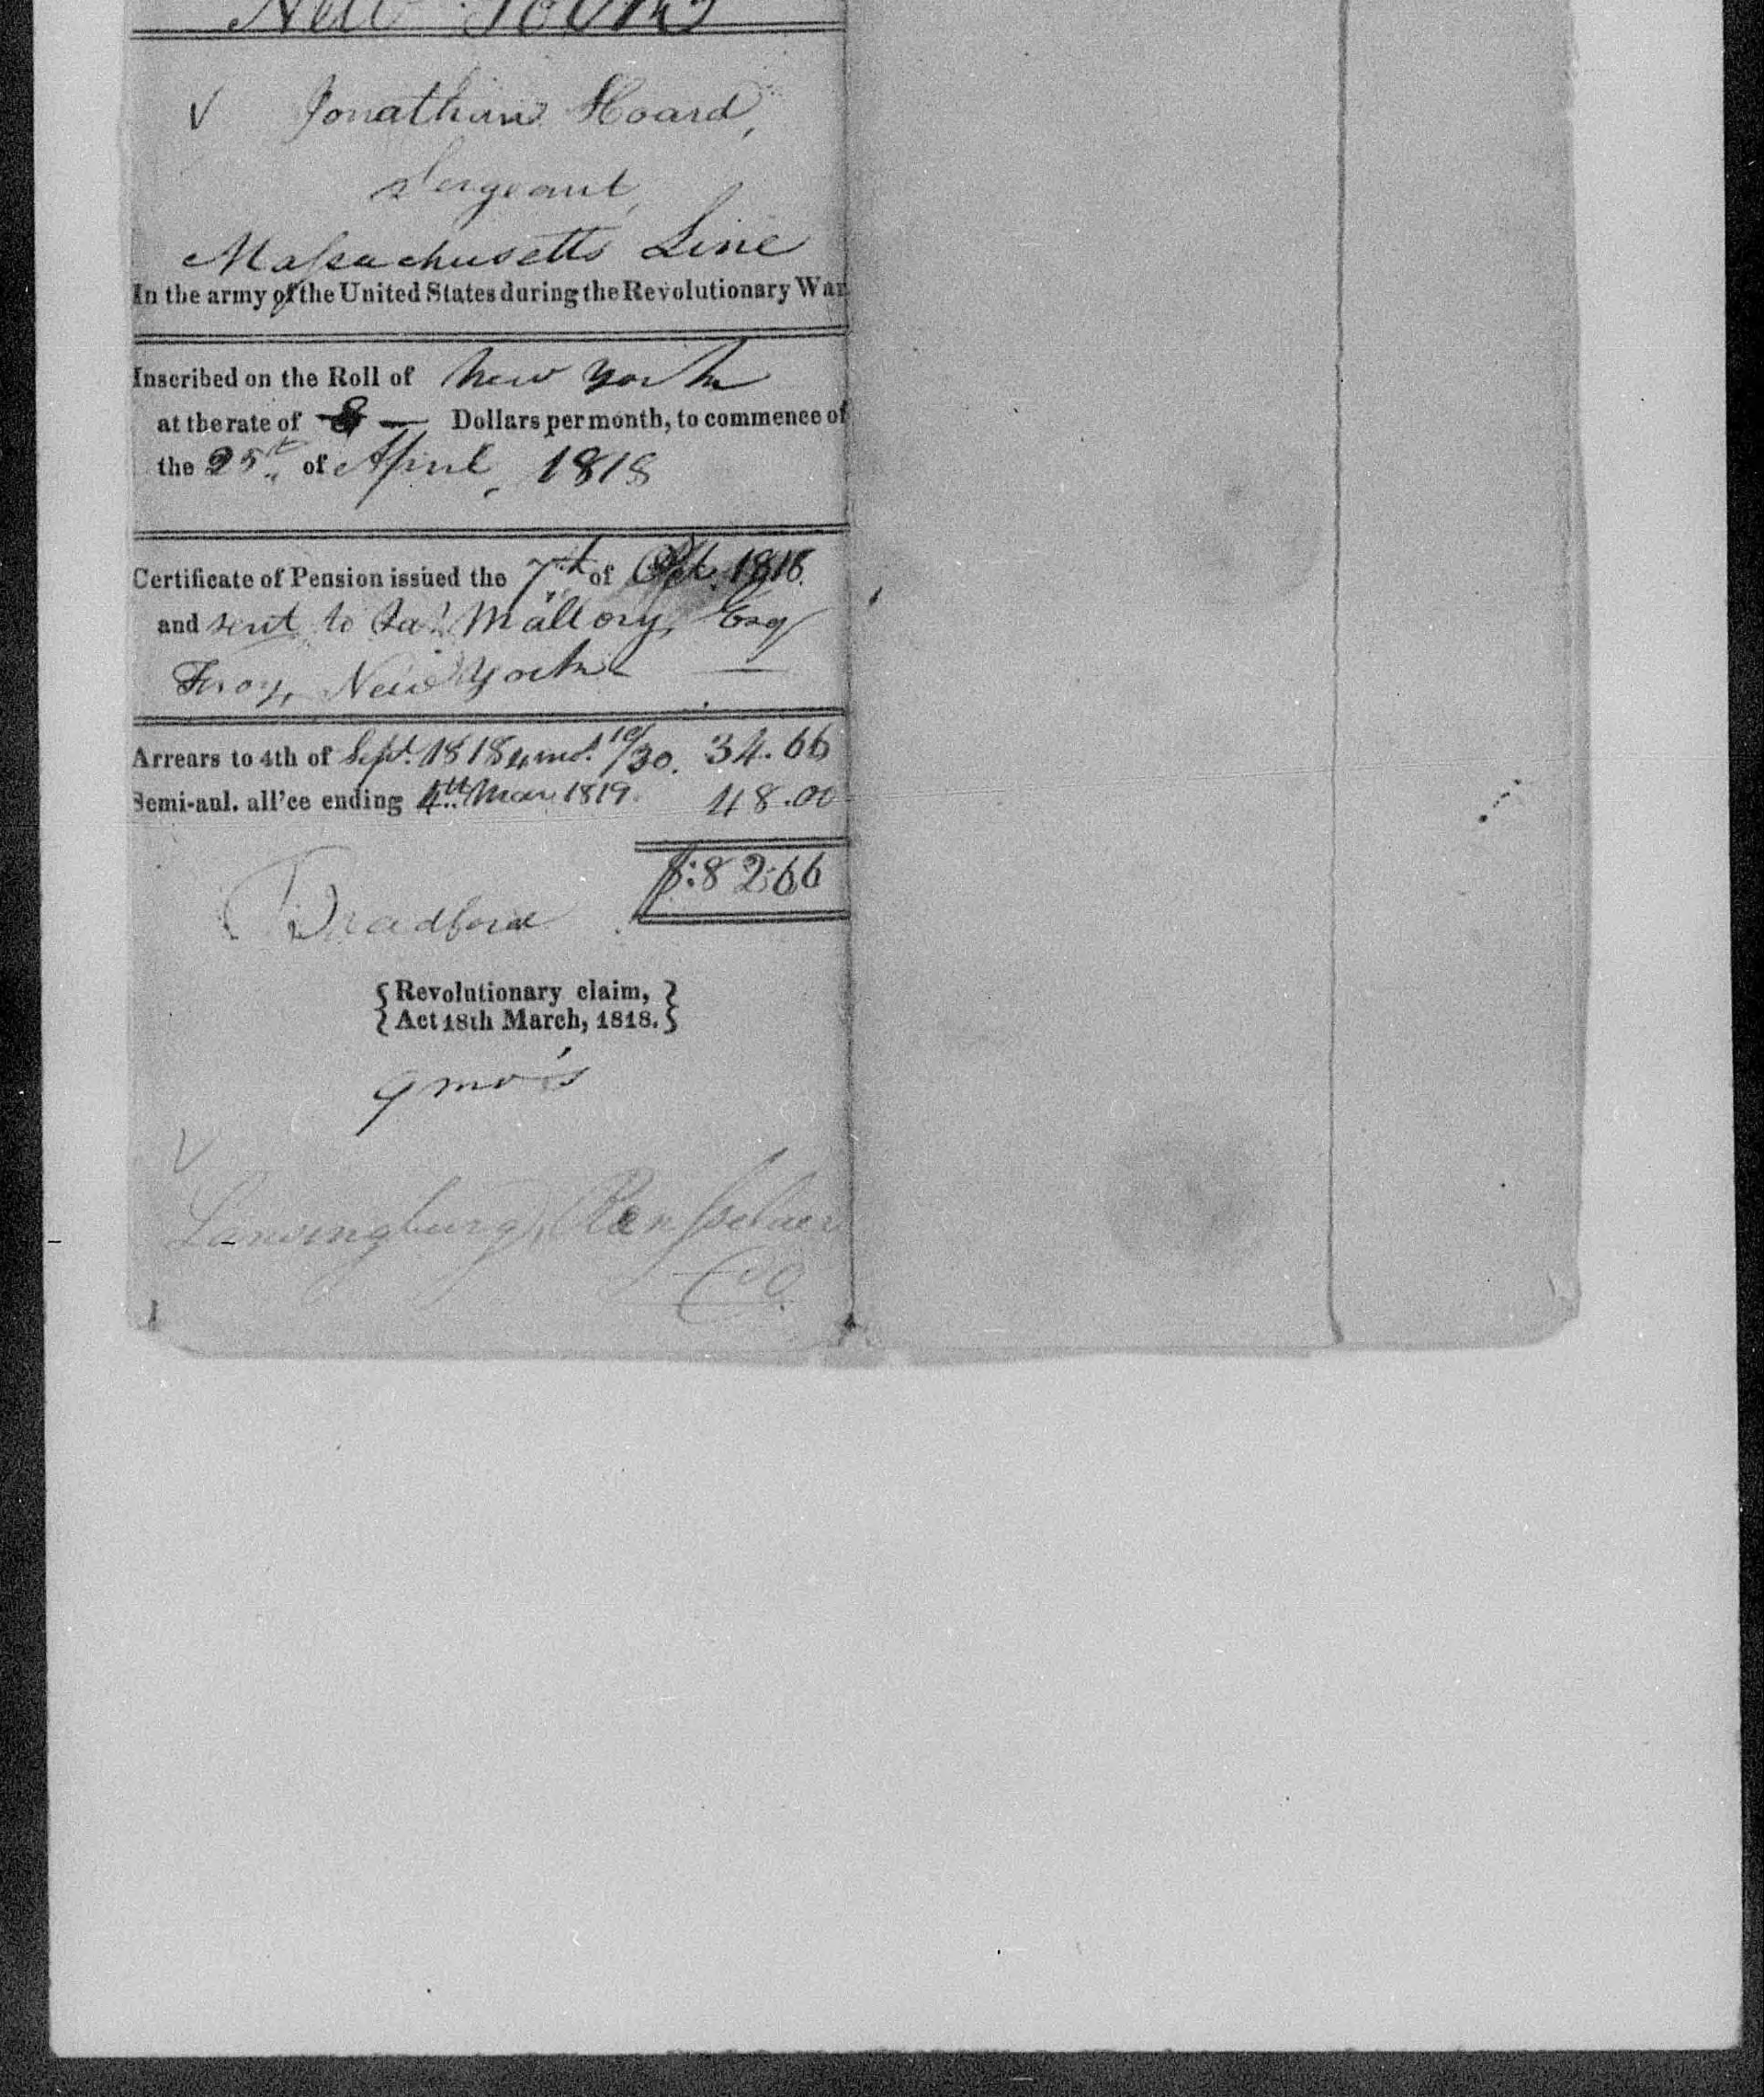New York
Jonathan Hoard,
Sergeant, 
Massachusetts Line
In the army of the United States during the Revolutionary War

Inscribed on the Roll of New York
at the rate of 8 Dollars per month, to commence on the 25th of April, 1818

Certificate of Pension issued the 7th of Oct. 1818 and sent to Jas Mallory, Esq
Troy, New York

Arrears to the 4th of Sept. 1818 incl. 10/30. 34.66
Semi-anl. all'ce ending 4th Mar. 1819. 48.00
$82.66
Bradford
[Revolutionary claim,
Act 18th March, 1818.]
9 mos.

Lansingburgh, Rensselaer Co.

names: Jas Mallory, Jonathan Hoard, Bradford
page: 19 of 52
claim: widow's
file: W 19755, Jonathan Hoard, Mass.